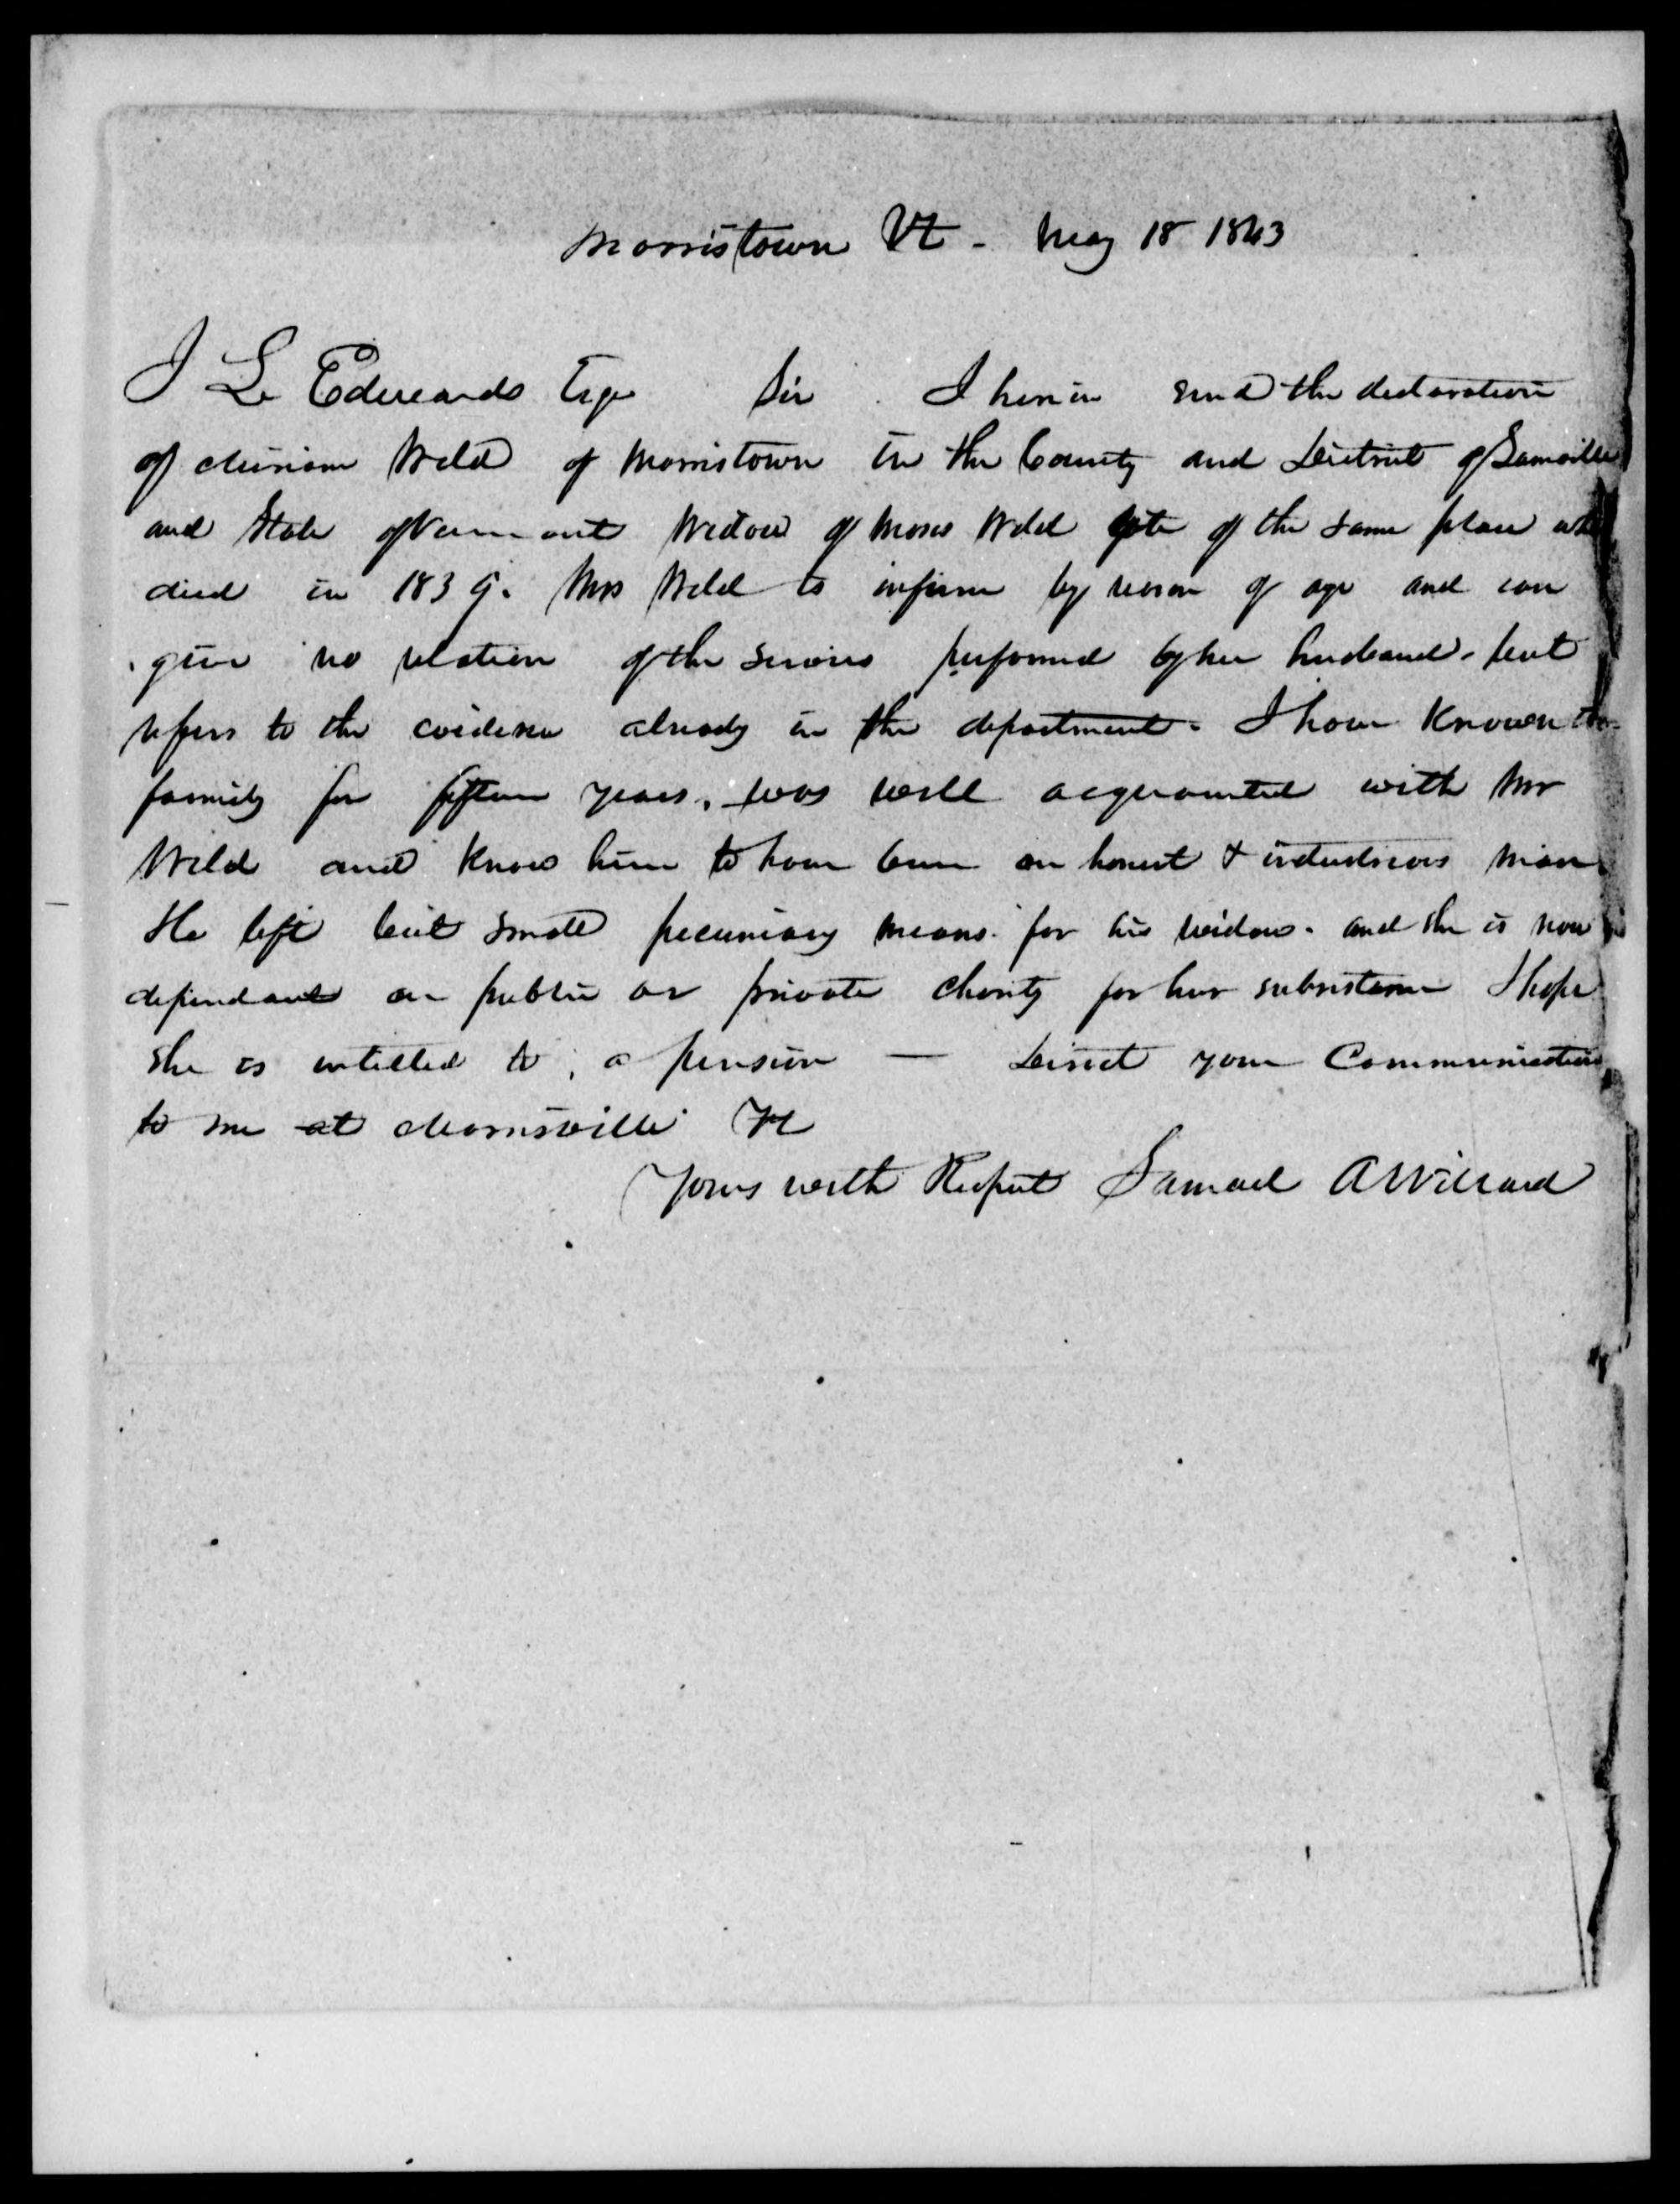Morristown, Vt. - May 18 1843
J L Edwards Esq
Sir I herein send the declaration
of Miriam Weld of Morristown in the County and District of Lamoille and State of Vermont Widow of Moses Weld late of the same place who died in 1839. Mrs Weld to infirm by reason of age and can give no relation of the services performed by her husband, but
refers to the evidence already in the department. I have known the family for fifteen years, was well acquainted with Mr Weld and know him to have been an honest & industrous man. He left but small pecuniary means for his widow and she is now
dependant on public or private charity for her subsistance. I hope she is entitled to a pension-
Direct your communication to me at Morrisville, Vt.

Yours with Respect  Samuel A Willard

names: Moses Weld, J L Edwards, Miriam Weld, Samuel A Willard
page: 33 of 87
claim: widow's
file: W. 25,966, Moses Weld, Mass.